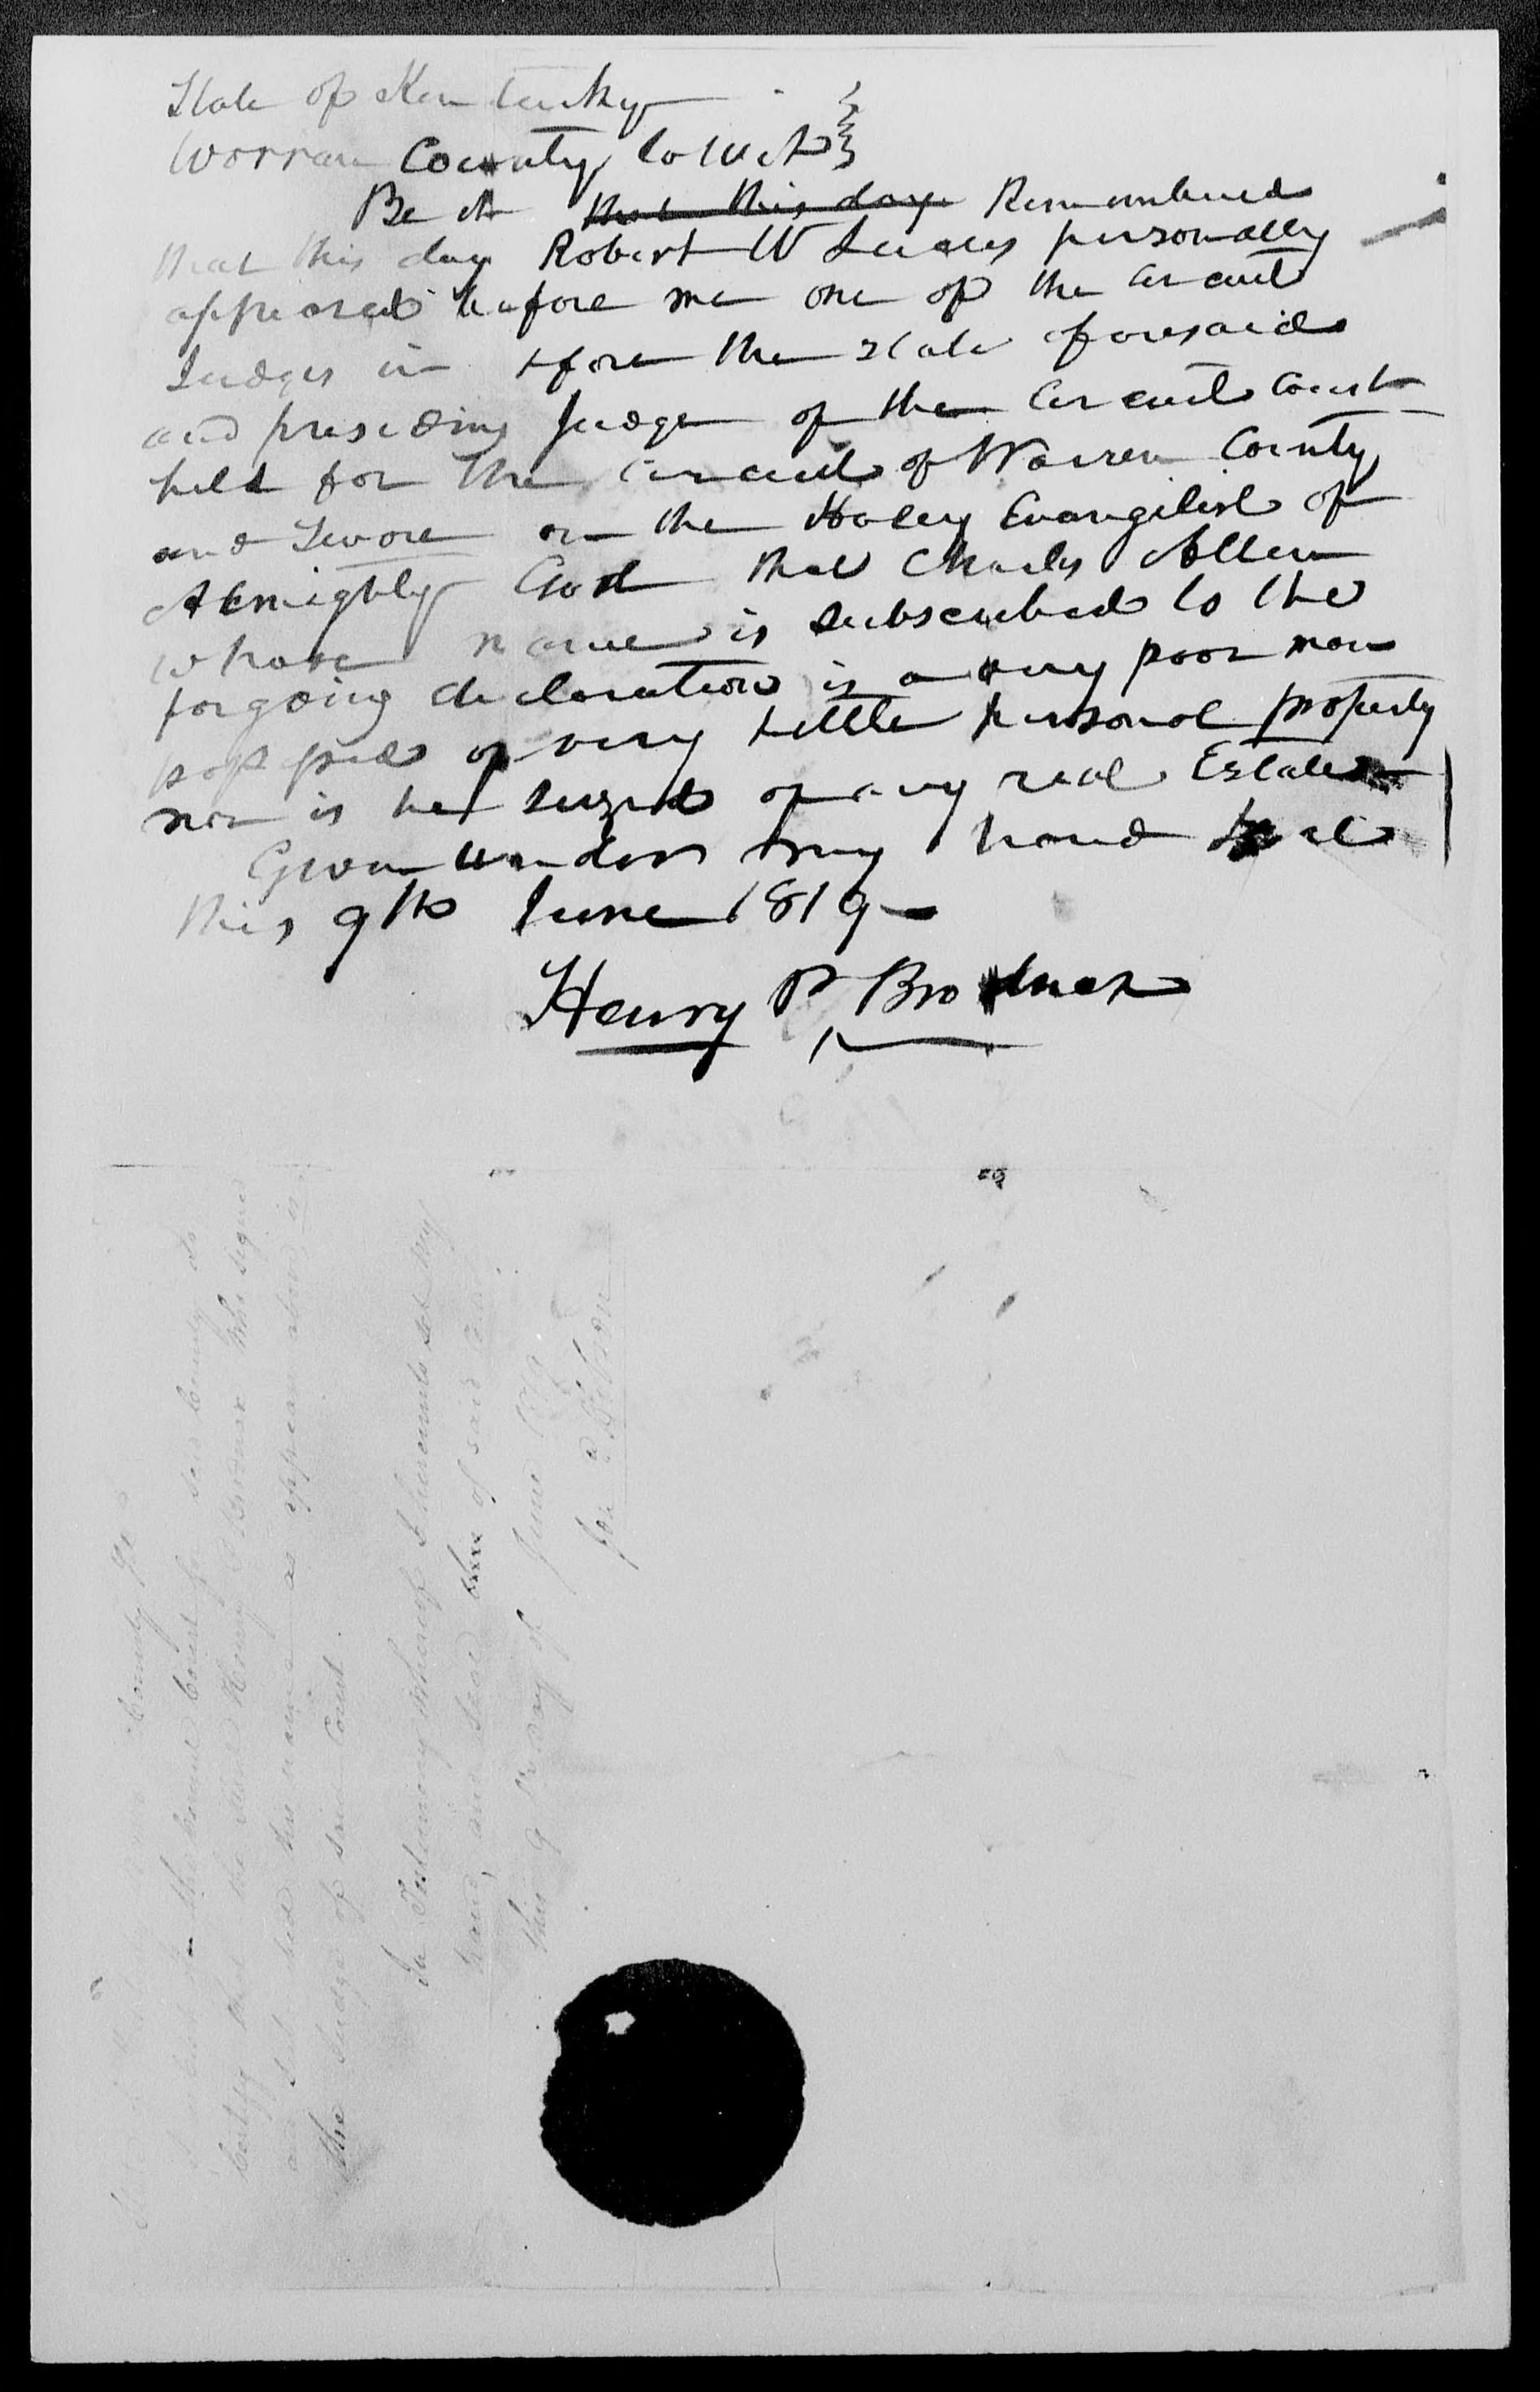State of Kentucky
Warren County Clerk

Be it remembered that this day Robert W Lucey personnally appeared before me one of the circuit judges in before me foreaid and presiding judge of the Circuit Court held for the Circuit of Warren County and swore on the Holy Evangelic of Almighty God that Charles Allen whose name is subscribed to the forgoing declarataion is a poor man of very little personal property and hs no real estate.

Given under my hand this 8th June 1819.

Henry P. Brodner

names: Charles Allen, Robert W Lucey, Henry P Brodner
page: 7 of 22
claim: survivor's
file: S. 36399, Charles Allen, Va.